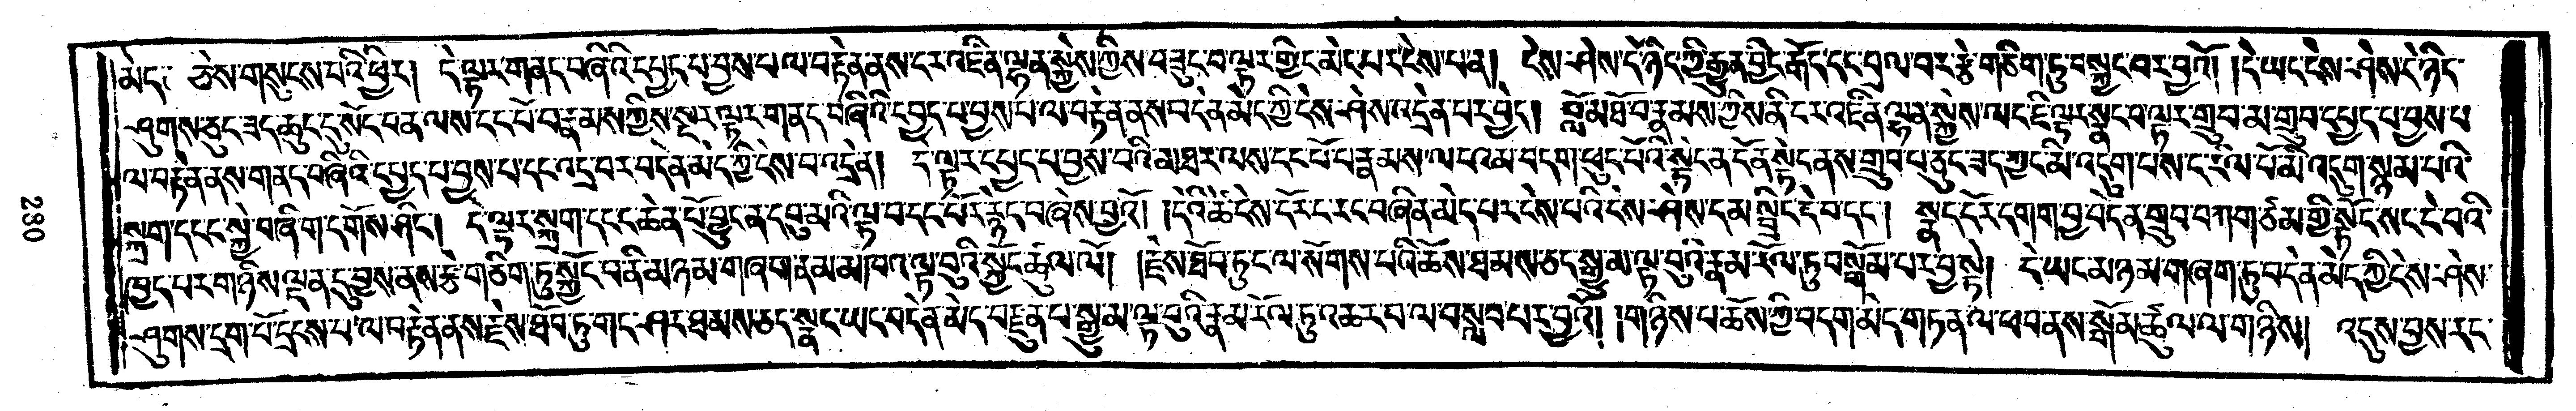མེད༑ ཅེས་གསུངས་པའི་ཕྱིར། དེ་ལྟར་གནད་བཞིའི་དཔྱད་པ་བྱས་པ་ལ་བརྟེན་ནས་ངར་འཛིན་ལྷན་སྐྱེས་ཀྱིས་བཟུང་བ་ལྟར་གྱི་ང་མེད་པར་ངེས་པ་ན། ངེས་ཤེས་དེ་ཉིད་ཀྱི་རྒྱུན་བྱིང་རྒོད་དང་བྲལ་བར་རྩེ་གཅིག་ཏུ་བསྐྱང་བར་བྱའོ། །དེ་ཡང་ངེས་ཤེས་དེ་ཉིད་
ཤུགས་ཅུང་ཟད་ཆུང་དུ་སོང་བ་ན་ལས་དང་པོ་རྣམས་ཀྱིས་སྔར་ལྟར་གནད་བཞིའི་དབྱད་པ་བྱས་པ་ལ་བརྟེན་ནས་བདེན་མེད་ཀྱི་ངེས་ཤེས་འདྲེན་པར་བྱེད། བློ་མཐོ་བ་རྣམས་ཀྱིས་ནི་ངར་འཛིན་ལྷན་སྐྱེས་ལང་ཇི་ལྟར་སྣང་བ་ལྟར་གྲུབ་མ་གྲུབ་དཔྱད་པ་བྱས་པ་
ལ་བརྟེན་ནས་གནད་བཞིའི་དཔྱད་པ་བྱས་པ་དང་འདྲ་བར་བདེན་མེད་ཀྱི་ངེས་བ་འདྲེན། དེ་ལྟར་དཔྱད་པ་བྱས་བའི་མཐར་ལས་དང་པོ་པ་རྣམས་ལྔའམ་བདག་ཕུང་པོའི་སྟེང་ན་དོན་སྟེང་ནས་གྲུབ་པ་ཅུང་ཟད་ཀྱང་མི་འདུག་པས་ང་རིལ་པོ་མི་འདུག་སྙམ་པའི་
སྐྲག་དང་ང་སྐྱེ་བཞིག་དགོས་ཤིང་། དེ་ལྟར་སྐྲག་དང་ང་ཆེན་པོ་བྱུང་ན་དབུ་མའི་ལྟ་བ་དང་པོར་རྙེད་བ་ཞེས་བྱའོ། །དེའི་ཚེ་ངེས་དོར་ང་རང་བཞིན་མེད་པར་ངེས་པའི་ངེས་ཤེས་དམ་སྦྲིང་དེ་བ་དང་། སྣང་དོར་དགག་བྱ་བདེན་གྲུབ་བཀག་ཙམ་གྱི་སྟོང་སང་ངེ་བའི་
ཁྱད་པར་གཉིས་ལྡན་དུ་བྱས་ནས་རྩེ་གཅིག་ཏུ་སྐྱོང་བ་ནི་མཉམ་གཞག་ནམ་མཁའ་ལྟ་བུའི་སྐྱོང་ཚུལ་ལོ། །རྗེས་ཐོབ་ཏུ་ང་ལ་སོགས་པའི་ཆོས་ཐམས་ཅད་སྒྱུ་མ་ལྟ་བུའི་རྣམ་རོལ་ཏུ་བསྒོམ་པར་བྱ་སྟེ། དེ་ཡང་མཉམ་གཞག་ཏུ་བདེན་མེད་ཀྱི་ངེས་ཤེས་
ཤུགས་དྲག་པོ་དྲངས་པ་ལ་བརྟེན་ནས་རྗེས་ཐོབ་ཏུ་གང་ཤར་ཐམས་ཅད་སྣང་ཡང་བདེན་མེད་བརྫུན་པ་སྒྱུ་མ་ལྟ་བུའི་རྣམ་རོལ་ཏུ་འཆར་བ་ལ་བསླབ་པར་བྱའོ། །གཉིས་པ་ཆོས་ཀྱི་བདག་མེད་གཏན་ལ་ཕབ་ནས་སྒོམ་ཚུལ་ལ་གཉིས། འདུས་བྱས་རང་